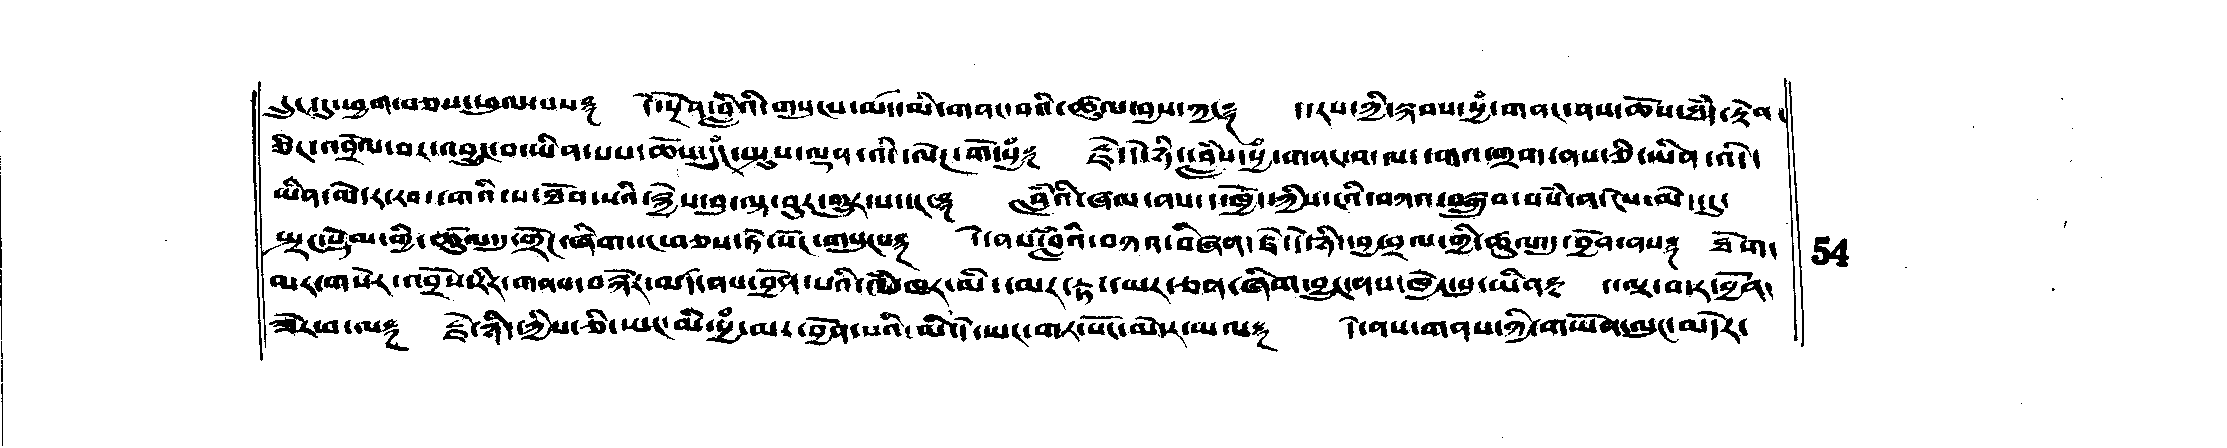དྲུང་དུ་ཕྱག་བཅས་ཕུལ་བས། དེ་སྔོན་བླ་མའི་གསུངས་མཛད་མི་གནང་བའི་ཚུལ་བྱས་ཀྱང་། ད་རས་ཀྱི་སྐབས་གསུང་གནང་ནས་ཆོས་ཐམས་ཅད་རྟེན་
ཅིང་འབྲེལ་བར་འབྱུང་བ་ཡིན་པས་ཆོས་དུང་མ་སྤུས་ལྡན་འདི་ལེགས་གོ་གསུང་། རྗེ་དེ་ཉིད་བླ་མས་གསུང་གནང་བ་ལ་དགའ་དྲ་ནས་ཅི་ཡིན་འདི་
ཡིན་མེད་པར་རབ་དགའི་ས་ཐོབ་པའི་སྐྱེས་བུ་ལྟ་བུར་གྱུར་པ་དང་། བླ་མའི་ཞལ་ནས་ད་ཁྱོད་ཀྱིས་ངའི་བཀའ་བསྒྲུབ་བསམ་ན་ངེས་མེད་དུ་
སྤྲང་ལྡོམ་གྱི་ཚུལ་དུ་གྲོགས་ཞིག་དང་བཅས་ཏེ་སོང་གསུངས།དེ་ནས་བླ་མའི་བཀའ་བཞིན་རྗེ་དེ་ཉིད་བྱ་བྲལ་གྱི་ཚུལ་དུ་བྱོན་ནས། ཐོག་
མར་གསེར་འབྲོས་རིར་གནས་བསྐོར་མཛད་ནས་བྱོན་པའི་ལམ་ཁར་མི་དམར་རྟ་དམར་ཅན་ཞིག་བྱུང་ནས་ཁྱེད་སུ་ཡིན། ད་ལྟ་གར་བྱོན་
ཟེར་བ་ལ། རྗེ་ཉིད་ཀྱི་ཅི་ཡང་མི་གསུང་པར་བྱོན་པས་མི་དེ་ཡང་གར་སོང་མེད་པར་ཡལ། དེ་ནས་གནས་ཀྱི་གཡོན་ལུང་མདོར་